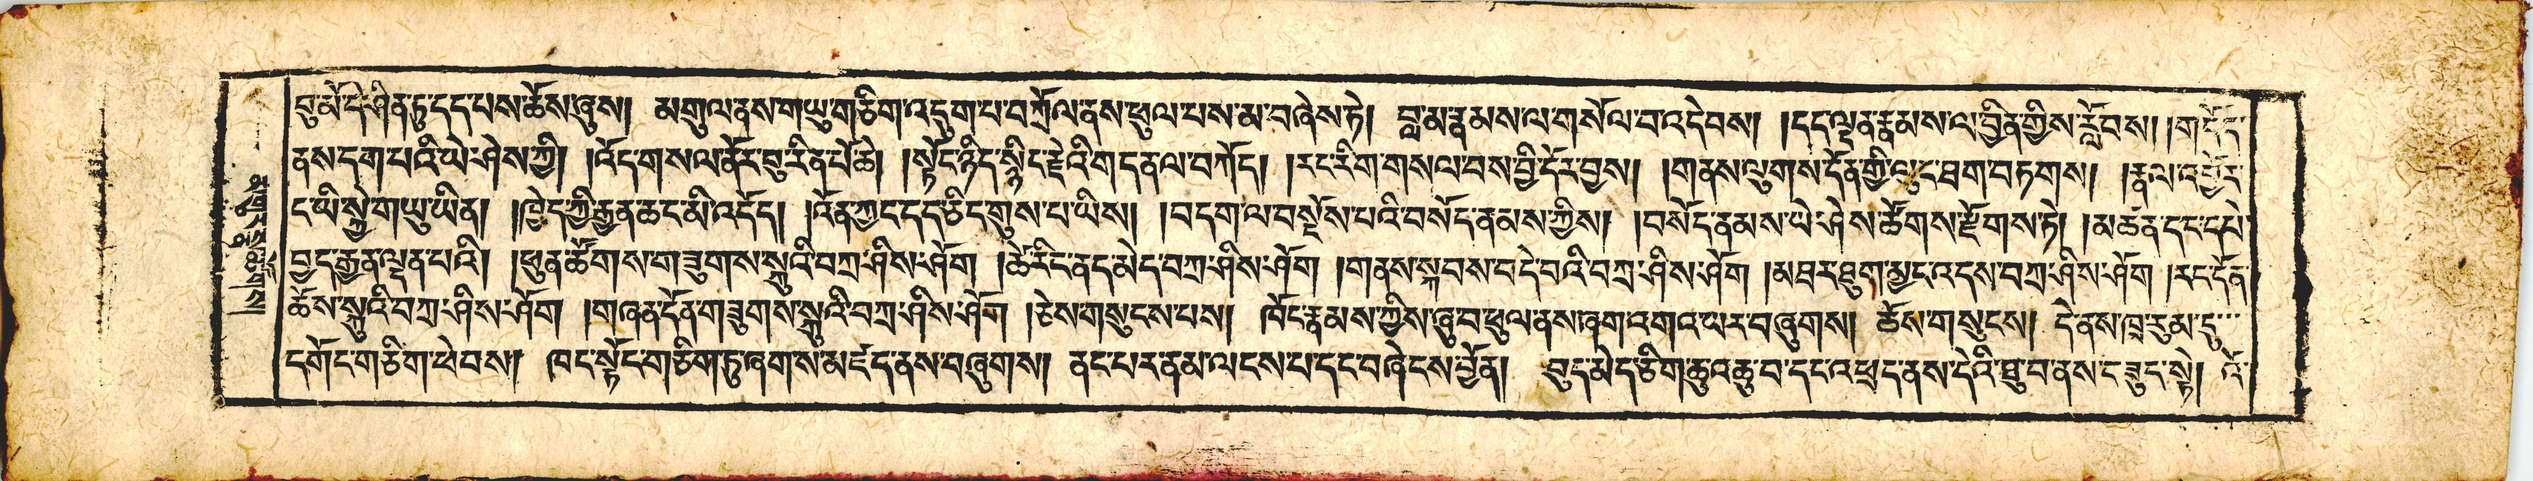བུ་མོ་དེ་ཤིན་ཏུ་དད་པས་ཆོས་ཞུས། མགུལ་ནས་གཡུ་གཅིག་འདུག་པ་བཀྲོལ་ནས་ཕུལ་པས་མ་བཞེས་ཏེ། བླ་མ་རྣམས་ལ་གསོལ་བ་འདེབས། །དད་ལྡན་རྣམས་ལ་བྱིན་གྱིས་རློབས། །གདོད་
ནས་དག་པའི་ཡེ་ཤེས་ཀྱི། །འོད་གསལ་ནོར་བུ་རིན་པོ་ཆེ། །སྟོང་ཉིད་སྙིང་རྗེའི་གདན་ལ་བཀོད། །རང་རིག་གསལ་བས་བྱི་དོར་བྱས། །གནས་ལུགས་དོན་གྱི་ལུང་ཐག་བཏགས། །རྣལ་འབྱོར་
ང་ཡི་སྐྱེ་གཡུ་ཡིན། །ཁྱེད་ཀྱི་རྒྱན་ཆ་ང་མི་འདོད། །འོན་ཀྱང་དད་ཅིང་གུས་པ་ཡིས། །བདག་ལ་བསྔོས་པའི་བསོད་ནམས་ཀྱིས། །བསོད་ནམས་ཡེ་ཤེས་ཚོགས་རྫོགས་ཏེ། །མཚན་དང་དཔེ་
བྱད་རྒྱན་ལྡན་པའི། །ཕུན་ཚོགས་གཟུགས་སྐུའི་བཀྲ་ཤིས་ཤོག །ཚེ་རིང་ནད་མེད་བཀྲ་ཤིས་ཤོག །གནས་སྐབས་བདེ་བའི་བཀྲ་ཤིས་ཤོག །མཐར་ཐུག་མྱང་འདས་བཀྲ་ཤིས་ཤོག །རང་དོན་
ཆོས་སྐུའི་བཀྲ་ཤིས་ཤོག །གཞན་དོན་གཟུགས་སྐུའི་བཀྲ་ཤིས་ཤོག །ཅེས་གསུངས་པས། ཁོང་རྣམས་ཀྱིས་ཞུ་བ་ཕུལ་ནས་ཞག་འགའ་ལར་བཞུགས། ཆོས་གསུངས། དེ་ནས་ཁྲ་རུམ་དུ་
དགོང་གཅིག་ཕེབས། ཁང་སྟོང་གཅིག་ཏུ་ཞག་ས་མཛད་ནས་བཞུགས། ནང་པར་ནམ་ལངས་པ་དང་བཞེངས་བྱོན། བུད་མེད་ཅིག་ཆུ་འཆུ་བ་དང་འཕྲད་ནས་དེའི་ཐུ་བ་ནས་བཟུང་སྟེ། འོ་